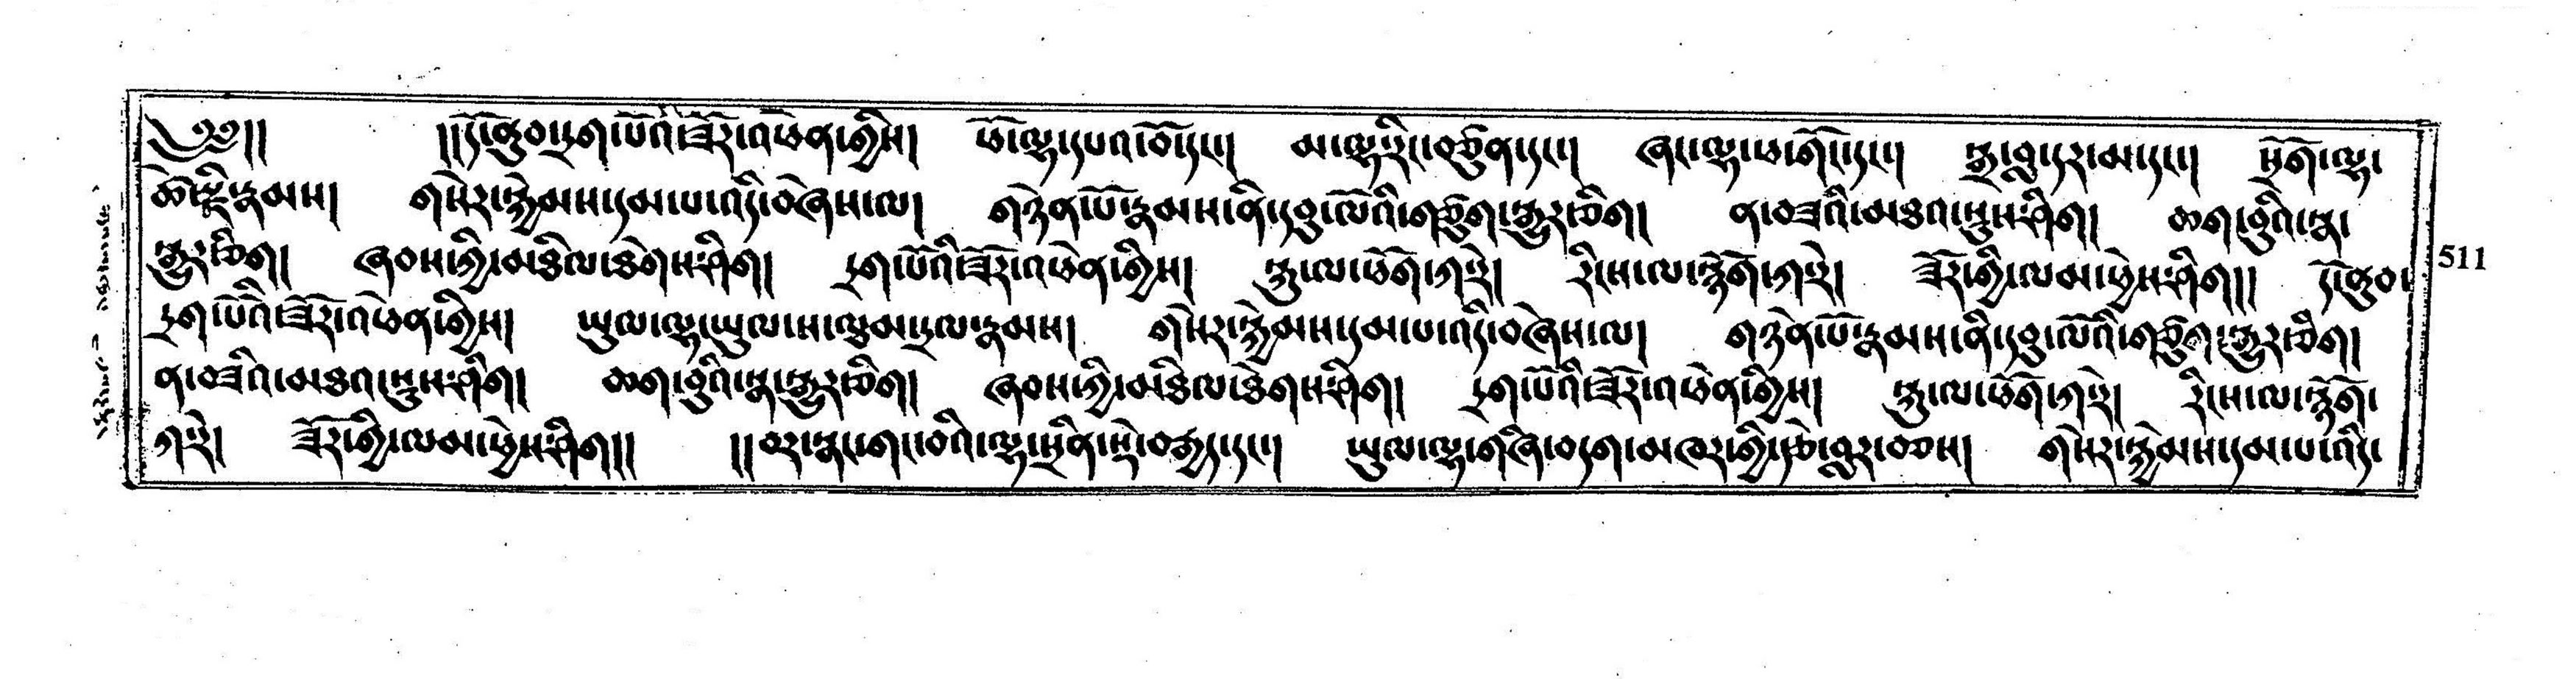དོ་ནུབ་དྲག་པོའི་ཟོར་འཕེན་གྱིས། ཕོ་ལྷ་དཔའ་བོ་དང་། མ་ལྷ་རིང་བཙུན་དང་། ཞང་ལྷ་ཕ་གོང་དང་། སྒྲ་བླ་དར་མ་དང་། སྲོག་ལྷ་
ཚེ་རྫི་རྣམས། གསེར་སྐྱེམས་དམ་པ་འདི་བཞེས་ལ། གཉེན་པོ་རྣམས་ནི་དབུ་ལོའི་གཙུག་སྒྱུར་ཅིག ན་བཟའི་མཐའ་སྡུས་ཤིག ཆག་བུའི་སྣ་
སྒྱུར་ཅིག ཞབས་ཀྱི་མཐིལ་ཐེགས་ཤིག དྲག་པོའི་ཟོར་འཕེན་གྱིས། སྐུ་ལ་ཕོག་ཀ་རེ། རིངས་ལ་སྙོག་ཀ་རེ། ཟོར་གྱི་ལམ་ཕྱེས་ཤིག །།དོ་ནུབ་
དྲག་པོའི་ཟོར་འཕེན་གྱིས། ཡུལ་ལྷ་ཡུལ་ས་ལྕམ་དྲལ་རྣམས། {526}གསེར་སྐྱེམས་དམ་པ་འདི་བཞེས་ལ། གཉེན་པོ་རྣམས་ནི་དབུ་ལོའི་གཙུག་སྒྱུར་ཅིག 
ན་བཟའི་མཐའ་སྡུས་ཤིག ཆག་བུའི་སྣ་སྒྱུར་ཅིག ཞབས་ཀྱི་མཐིལ་ཐེགས་ཤིག དྲག་པོའི་ཟོར་འཕེན་གྱིས། སྐུ་ལ་ཕོག་ཀ་རེ། རིངས་ལ་སྙོག་
ཀ་རེ། ཟོར་གྱི་ལམ་ཕྱེས་ཤིག །།།།བར་སྣང་གང་བའི་ལྷ་སྲིན་སྡེ་བརྒྱད་དང་། ཡུལ་ལྷ་གཞི་བདག་མཁར་གྱི་རྩེ་བླར་བཅས། གསེར་སྐྱེམས་དམ་པ་འདི་